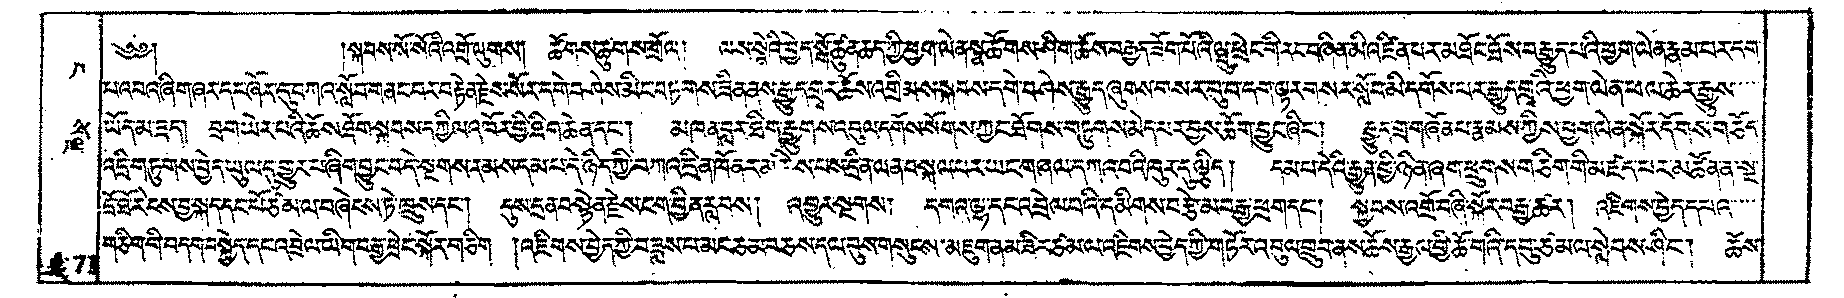༄༅། །སྐབས་སོ་སོའི་འགྲོ་ལུགས། ཚོགས་ཚུགས་གྲོལ། ལས་སྣེའི་བྱེད་སྒོ་ཚུན་ཆད་ཀྱི་ཕྱག་ལེན་སྣ་ཚོགས་ཤིག་ཆོས་བརྒྱད་ཟོག་པོའི་ལྦུ་ཕྲེང་གི་རང་བཞིན་མི་འཛིན་པར་མཐོང་ཐོས་བརྒྱུད་པའི་ཕྱག་ལེན་རྣམ་པར་དག་
པ་འབའ་ཞིག་ཞར་དང་ཞོར་དུ་བཀའ་སློབ་གནང་བར་བརྟེན་རྗེས་སོར་དགེ་བཤེས་མིང་བཏགས་ཟིན་ནས་རྒྱུད་གྲྭར་ཆོས་འགྲིམས་སྐབས་དགེ་བཤེས་རྒྱུད་ཞུགས་གསར་བུ་བ་དག་ལྟར་གསར་སློབ་མི་དགོས་པར་རྒྱུད་གྲྭའི་ཕྱག་ལེན་ཕལ་ཆེར་རྒྱུས་
ཡོད་མ་ཟད། བྲག་ཡེར་པའི་ཆོས་ཐོག་སྐབས་དཀྱིལ་འཁོར་གྱི་ཐིག་ཆེན་དང་། མཁན་བླར་ཐིག་རྒྱུགས་འབུལ་དགོས་སོགས་ཀྱང་ཐོགས་གཏུགས་མེད་པར་བྱས་ཆོག་བྱུང་ཞིང་། རྒྱུད་གྲ་གཞོན་པ་རྣམས་ཀྱིས་ཕྱག་ལེན་སྐོར་དོགས་གཅོད་
འདྲི་གཏུགས་བྱེད་ཡུལ་དུ་གྱུར་པ་ཞིག་བྱུང་བ་དེ་སྔགས་རམས་དམ་པ་དེ་ཉིད་ཀྱི་བཀའ་དྲིན་ཁོ་ནར་མཆིས་པས་དྲིན་ལན་བསྐལ་པར་ཡང་གཞལ་དཀའ་བའི་ཁུར་དུ་ལྕིད། དམ་པ་དེའི་རྒྱུན་གྱི་ཉིན་ཞག་ཕྲུགས་གཅིག་གི་མཛད་པར་མཚོན་ན་སྔ་
དྲོ་ཐོ་རེངས་བྱ་སྐད་དང་པོ་ཙམ་ལ་བཞེངས་ཏེ་ཁྲུས་དང་། དུས་དྲན་བསྟེན་རྗེས་ངག་བྱིན་རླབས། འགྱུར་སྔགས། དགའ་ལྷ་དང་འབྲེལ་བའི་དམིགས་བརྩེ་མ་བརྒྱ་ཕྲག་དང་། སྐྱབས་འགྲོ་བཞི་སྐོར་བརྒྱ་ཚར། འཇིགས་བྱེད་དཔའ་
གཅིག་གི་བདག་བསྐྱེད་དང་འབྲེལ་ཡིག་བརྒྱ་ཕྲེང་སྐོར་གཅིག །འཇིགས་བྱེད་ཀྱི་བཟླས་པ་མང་ཙམ་བཅས་དལ་བུས་གསུངས་མཇུག་ནམ་ཟིར་ཙམ་ལ་འཇིགས་བྱེད་ཀྱི་གཏོར་འབུལ་གྲུབ་ནས་ཆོས་རྒྱལ་གྱི་ཆོ་གའི་དབུ་ཙམ་ལ་སླེབས་ཤིང་། ཆོས་